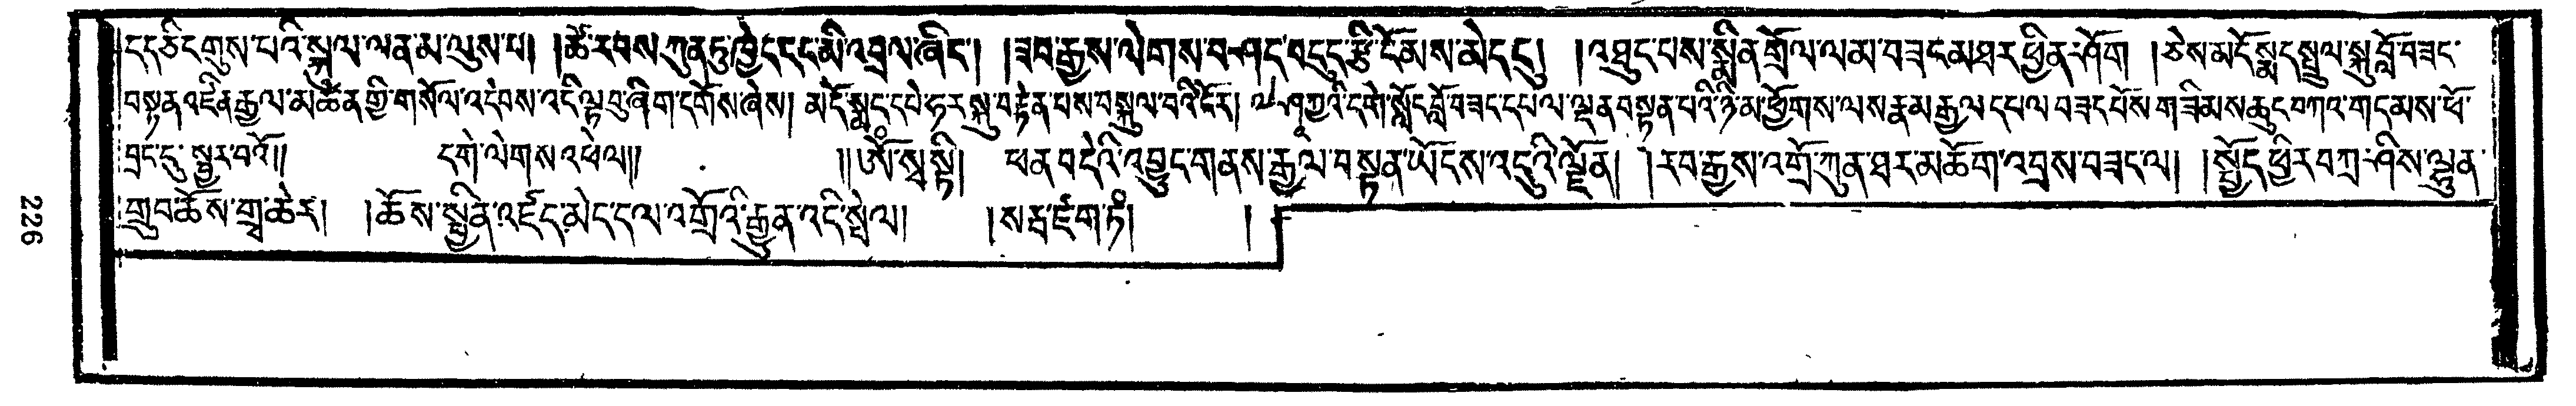དད་ཅིང་གུས་པའི་སྐུལ་ལན་མ་ལུས་པ། །ཚེ་རབས་ཀུན་ཏུ་ཁྱེད་དང་མི་འབྲལ་ཞིང་། །ཟབ་རྒྱས་ལེགས་བཤད་བདུད་རྩི་དོམས་མེད་དུ། །འཐུང་པས་སྨིན་གྲོལ་ལམ་བཟང་མཐར་ཕྱིན་ཤོག །ཅེས་མདོ་སྨད་སྤྲུལ་སྐུ་བློ་བཟང་
བསྟན་འཛིན་རྒྱལ་མཚན་གྱི་གསོལ་འདེབས་འདི་ལྟ་བུ་ཞིག་དགོས་ཞེས། མདོ་སྨད་དཔེ་ཧར་སྐུ་བརྟེན་པས་བསྐུལ་བའི་ངོར། ༧་ཤཱཀྱའི་དགེ་སློང་བློ་བཟང་དཔལ་ལྡན་བསྟན་པའི་ཉི་མ་ཕྱོགས་ལས་རྣམ་རྒྱལ་དཔལ་བཟང་པོས་གཟིམས་ཆུང་བཀའ་གདམས་ཕོ་
བྲང་དུ་སྦྱར་བའོ།། དགེ་ལེགས་འཕེལ།། །།ཨོཾ་སྭ་སྟི། ཕན་བདེའི་འབྱུང་གནས་རྒྱལ་བསྟན་ཡོངས་འདུའི་ལྗོན། །རབ་རྒྱས་འགྲོ་ཀུན་ཐར་མཆོག་འབྲས་བཟང་ལ། །སྤྱོད་ཕྱིར་བཀྲ་ཤིས་ལྷུན་
གྲུབ་ཆོས་གྲྭ་ཆེར། །ཆོས་སྤྱིན་འཛད་མེད་དལ་འགྲོའི་རྒྱུན་འདི་སྤེལ། །སརྦ་ཛ་ག་ཏཾ། །